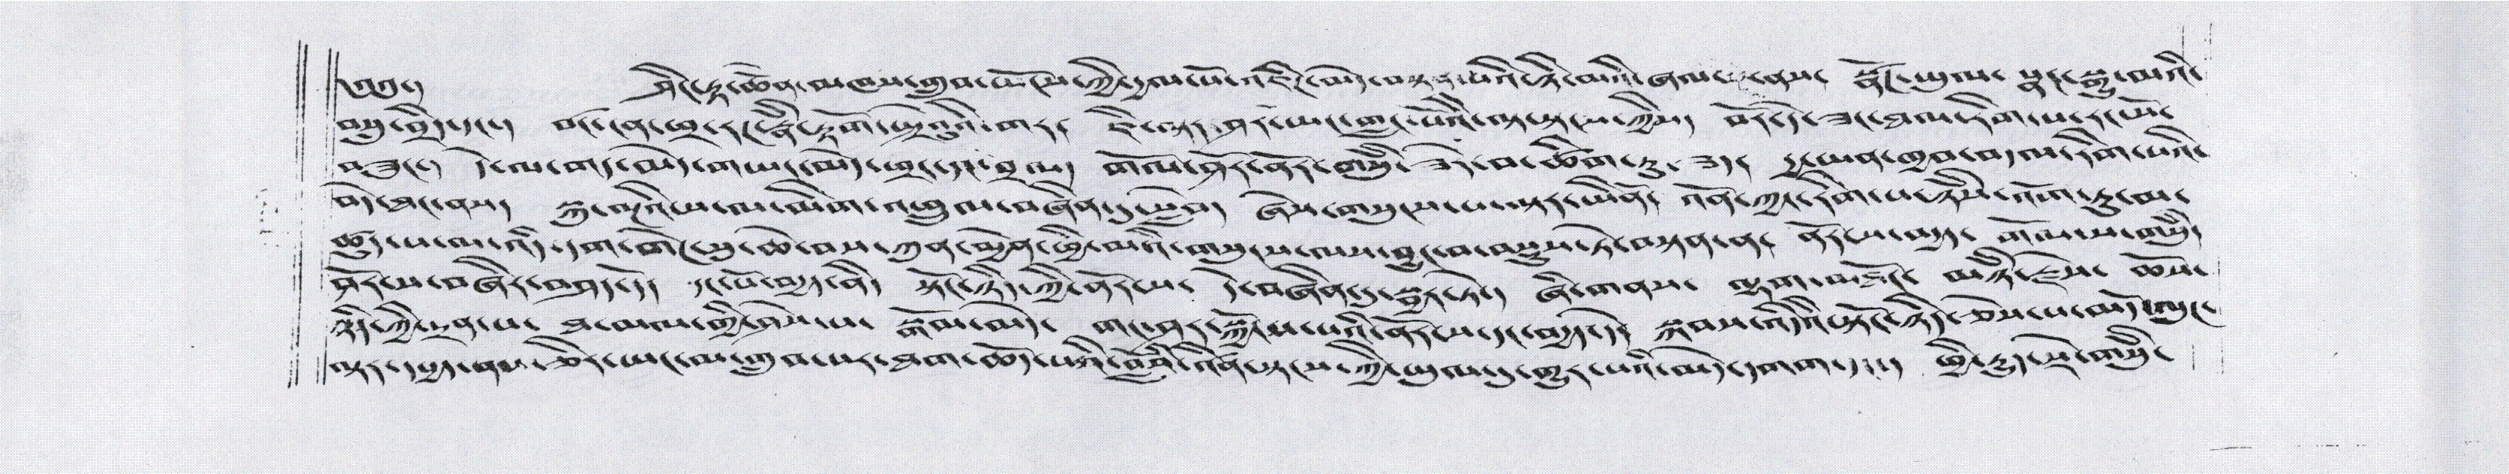ཤིང་རྟ་ཆེན་པོ་མཁས་གྲུབ་ཡོངས་ཀྱི་རྒྱལ་པོ་འཇིགས་མེད་བསྟན་པའི་ཉི་མའི་ཞལ་ནས། སྣ་ཚོགས་ཡུལ་སྣང་སྒྱུ་མའི་
བསླུ་བྲིད་དང་། བཟང་ངན་ཕྲ་རགས་རྣམ་རྟོག་སྤྲེའུ་གར། ཇི་ལྟར་ཤར་ཡང་གླང་པོའི་ལྟ་སྟངས་ཀྱིས། བོར་ཏེ་ཟང་ཐལ་རིག་པ་རང་སོ་
བཟུང་། དེ་ལ་གད་མེད་གཡང་མེད་འཕྲང་དང་བྲལ། གོལ་ཤོར་ནོར་གསུམ་ཟེར་བ་ཚིག་ཏུ་ཟད། རྒྱ་ཡན་ཁྱབ་བདལ་རིག་པའི་
བདེ་ཐང་ནས། སྐུ་ལྔའི་ས་ལ་མིག་འཕྲུལ་བཞིན་དུ་སླེབས། ཞེས་གསུངས་པ་ལྟར་ཡིན་ནོ། འོན་ཀྱང་རིག་པ་ཉམས་འོག་ཏུ་མ་
ཚུད་པ་ལ་འདི་དག་གེགས་སུ་ཆེ་བས་ཀུན་མཁྱེན་ཕྱི་མའི་གསུང་ལས་བྱུང་བ་བསྡུས་ཏེ་བསྟན་ན། ནོར་ས་བརྒྱད། གོལ་ས་གསུམ། 
ཤོར་ས་བཞིར་བཤད་དོ། དང་པོ་བརྒྱད་ནི། སྟོང་ཉིད་ཀྱི་ནོར་ས་དེ་བཞིན་དུ་སྦྱར་ཏེ། ཞི་གནས་ལྷག་མཐོང་མཉམ་རྗེས་ཆོས་
ཉིད་ཀྱི་དྲན་པ་ཐ་མལ་གྱི་ཤེས་པ་སྒོམ་མེད་གང་ཤར་སྐྱོང་བའི་ནོར་ས་དང་བརྒྱད་དེ། སྐབས་འདིའི་སྟོང་ཉིད་ཅེས་པ་མདོ་ལུགས་
ལྟར་དཔྱད་ནས་ཅིར་ཡང་མ་གྲུབ་པར་ཐག་ཆོད་པའི་བློས་འཛིན་སྟངས་ཀྱི་ཡུལ་དུ་གྱུར་པའི་མེད་དགག་དང་། ཕྱི་རྒྱུད་སྡེ་གསུམ་